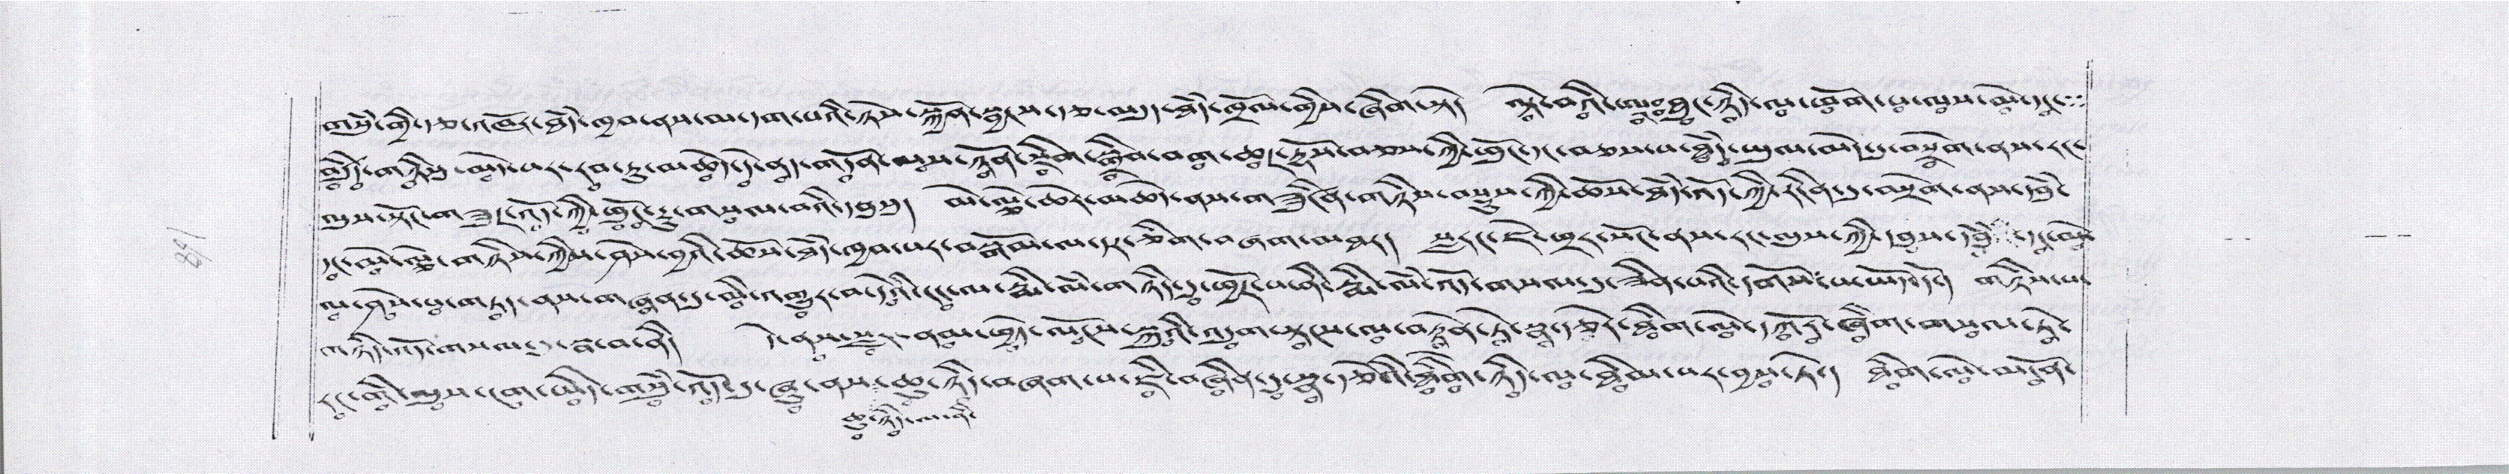གསུམ་གྱི་རྩ་འཁོར་ཐམས་ཅད་ཁྱབ་ནས་མ་དག་པའི་ཉེས་སྐྱོན་སྦྱངས། རྩ་མདུད་ཐམས་ཅད་ཁྲོལ་གྱིས་ཞིག་སྟེ་ལྟེ་བའི་ཨ་ཐུང་ཉིད་ལ་ཕོག་པ་ལས་མེ་དང་
བདུད་རྩི་གཉིས་སུ་མེད་པར་རབ་ཏུ་མཆེད་དེ་ནད་གདོན་ལས་ཉོན་སྡིག་སྒྲིབ་བག་ཆགས་རྡོས་བཅས་ཀྱི་ཕུང་པོ་དང་བཅས་པ་ཐམས་ཅད་ཡུལ་མེད་དུ་བསྲེགས་ནས་རང་
ལུས་སྟོང་གཟུགས་འོད་ཀྱི་ཕུང་པོ་རུ་གསལ་བའི་དབུས་སུ། མེ་ལྕེ་ཆེར་མཆེད་ནས་གཟུང་འཛིན་གཉིས་བསྡུས་ཀྱི་ཆོས་ཐམས་ཅད་འོད་ཀྱི་རང་བཞིན་དུ་བསྲེགས་ནས་དབུ་མ་
དང་མེ་ལྕེ་གཉིས་ཀྱིས་ཤེས་བྱའི་ཆོས་ཐམས་ཅད་ཁྱབ་པར་བསྒོམ་ལ་དར་ཅིག་བཞག་མཐར། སླར་ཡང་ཇེ་ཕྲར་སོང་ནས་རང་ལུས་ཀྱི་དབུས་དབུ་མ་དང་མེ་
ལ་ཤེས་པ་གཏད་ནས་གཞན་དུ་མི་འགྱུར་བ་དེའི་ངང་ལ་རྨི་ལམ་གཉིད་དུ་ཕྱོགས་པ་ནི་རྨི་ལམ་འོད་གསལ་དུ་ཟིན་པའི་དགོས་པ་ཡོད་དོ། །གཉིས་པ་
གཉིད་འོིད་གསལ་དུ་སྦ་བ་ནི། དེ་ནས་སླར་ནམ་ཕྱེད་ལོངས་སྐུའི་འདུག་སྟངས་ལ་བརྟེན་ཏེ་སྣ་རྩེར་ཐིག་ལེ་དཀར་པོ་ཞིག་གསལ་ཏེ། 
རང་གི་ལུས་ངག་ཡིད་གསུམ་འོད་དུ་ཞུ་ནས་ཆུ་ཉིད་ལ་ནི་ཆུ་ཉིད་བཞག་པ་ཇི་བཞིན་དུ་སྣ་རྩེའི་ཐིག་ལེ་ཉིད་ལ་ཐིམ་པར་བྱས་ཏེ། ཐིག་ལེ་མངོན་